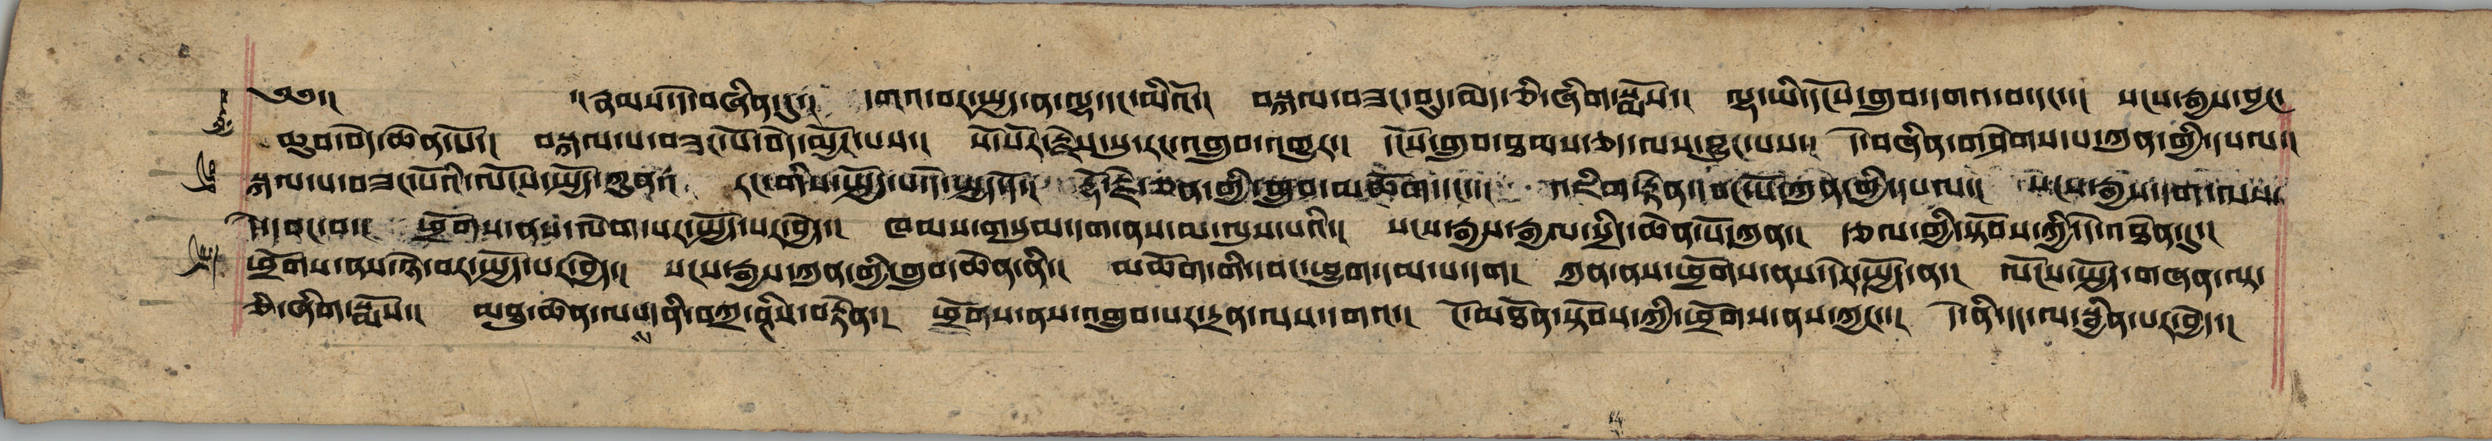༄༅་། ་།རྣམས་དེ་བཞིན་དུ་། དགའ་བར་སྤྱད་ན་ལྷ་དང་མིའོ་། བསྐལ་བཟང་བུད་མེད་ཅི་ཞིག་སྨོས་། ལྷ་ཡི་དངོས་གྲུབ་དགའ་བ་དང་་། སངས་རྒྱས་བྱང་
ཆུབ་བདེ་ཆེན་པོ་། བསྐལ་པ་བཟང་པོ་བདེ་མྱོང་པས་། སོ་སོར་རྗེས་སུ་རང་འགྲུབ་འགྱུར་། དངོས་གྲུབ་ཐམས་ཅད་ལས་བྱུང་བས་། དེ་བཞིན་གཤེགས་པ་ཀུན་གྱི་དཔལ་།
སྐལ་པ་བཟང་པོའི་ལོངས་སྤྱོད་ཀུན་། རང་གིས་སྤྱོད་པ་དེ་སྤྱད་དོ་། རྡོ་རྗེ་ཅན་གྱི་གྲུབ་མཆོག་དང་་། འཇིག་རྟེན་དབང་པོ་ཀུན་གྱི་དཔལ་། སངས་རྒྱས་དག་ལས་
དེ་དབང་བ་། ཕྱོགས་ནས་ལེག་པར་སྤྱོད་པར་བྱེད་། ཁམས་གསུམ་དག་ནས་མ་ལུས་པའི་། སངས་རྒྱས་རྒྱལ་སྲིད་ཆེན་པོ་ཀུན་། རྩལ་གྱི་སྟོབས་ཀྱི་དེ་འཐེན་དུ་།
ཕྲོགས་ནས་ཉེ་བར་སྤྱོད་པར་བྱེད་། སངས་རྒྱས་ཀུན་གྱི་གྲུབ་ཆེན་ནི་། མཆོག་གི་དབང་ཕྱུག་དམ་པ་དག། ཀུན་ནས་ཕྱོགས་ནས་དེར་སྤྱོད་ན་། ལོངས་སྤྱོད་གཞན་ལྟ་
ཅི་ཞིག་སྨོས་། མཐུ་ཆེན་ལས་ནི་བཀྲ་ཤིས་བརྟེན་། ཕྲོགས་ནས་འགྲུབ་པར་དྲན་ལས་དགའ་། ངོ་མཐོན་སྟོབས་ཀྱི་ཕྲོགས་ནས་ཀྱང་་། དེ་ནི་དད་ལ་སྦྱིན་པར་བྱེད་།